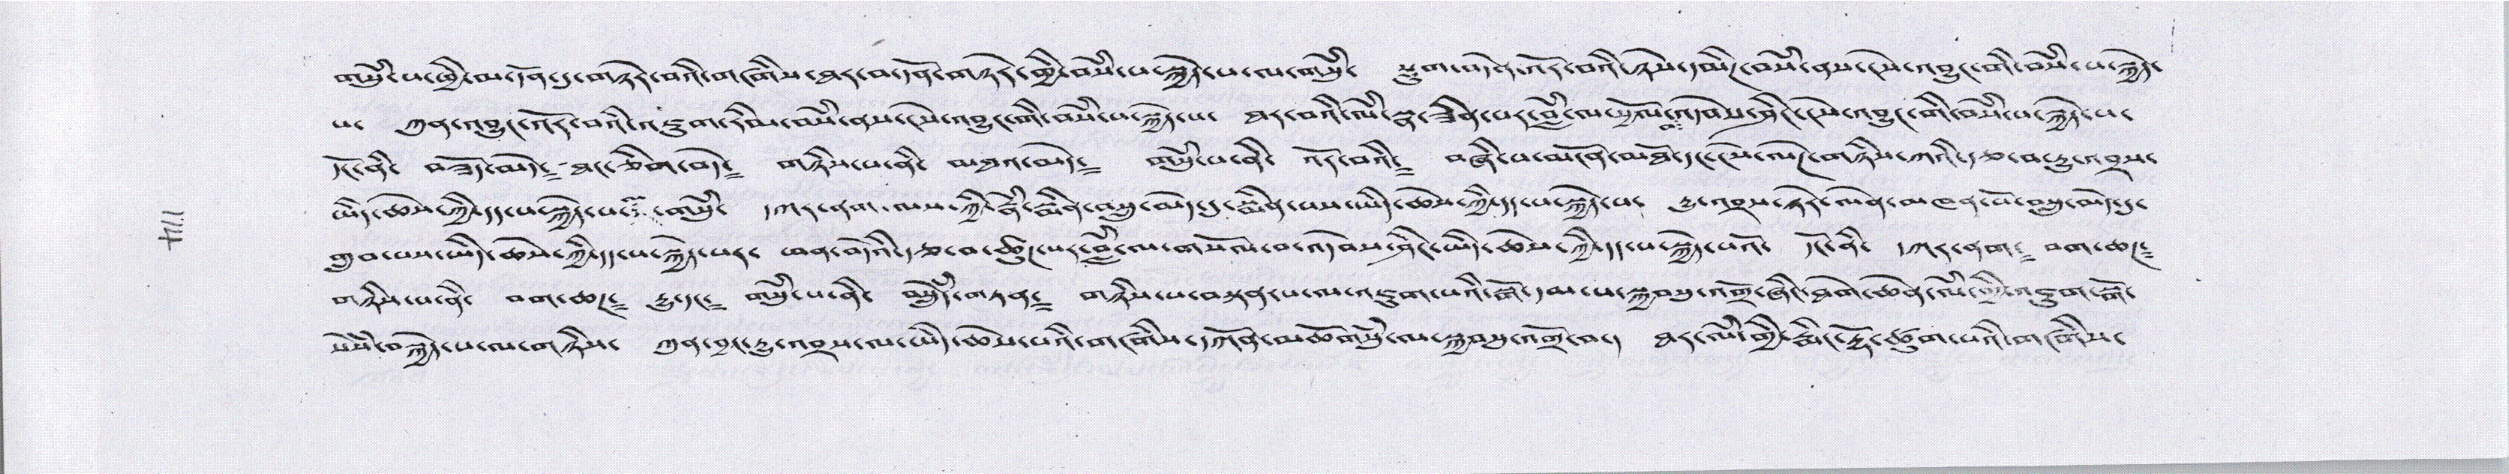གསུམ་པ་ནི་ཕྱི་མ་དོན་གཉེར་བའི་གང་ཟག་གིས་ཐར་པ་དོན་གཉེར་གྱི་བསམ་པ་བསྐྱེད་པ་ལ་གསུམ། སྡུག་བདེན་འཁོར་བའི་ཉེས་དམིགས་བསམ་ནས་ངེས་འབྱུང་གི་བསམ་པ་བསྐྱེད་
པ་དང་། ཀུན་འབྱུང་འཁོར་བའི་འཇུག་རིམ་བསམ་ནས་ངེས་འབྱུང་གི་བསམ་པ་བསྐྱེད་པ། ཐར་པའི་ལམ་སྣ་ཟིན་པར་བླ་མ་ལ་གསོལ་བ་འདེབས་ཤིང་ངེས་འབྱུང་གི་བསམ་པ་བསྐྱེད་པ་
དང་པོ་ནི། བཟོད་མེད༑ ཐང་ཅིག་བདེ། གཉིས་པ་ནི། མཐའ་མེད༑ གསུམ་པ་ནི་འཁོར་བའི༑ གསུམ་པ་ནི་མངོན་མཐོ་དང་ངེས་ལེགས་གཉིས་ཀའི་རྩ་བ་རྒྱུ་འབྲས་
ཡིད་ཆེས་ཀྱི་དད་པ་བསྐྱེད་པ་ལ་གསུམ། དཀར་ནག་ལས་ཀྱི་རྣམ་སྨིན་བསླུ་མེད་དུ་སྨིན་པས་ཡིད་ཆེས་ཀྱི་དད་པ་བསྐྱེད་པ། རྒྱུ་འབྲས་ཉེར་ལེན་མཁན་པོ་བསླུ་མེད་དུ་
གྲུབ་པས་ཡིད་ཆེས་ཀྱི་དད་པ་བསྐྱེད་པ། ཕན་བདེའི་རྩ་བ་ཚུགས་པར་བླ་མ་ལ་གསོལ་བ་འདེབས་ཤིང་ཡིད་ཆེས་ཀྱི་དད་པ་བསྐྱེད་པའོ། དང་པོ་ནི། དཀར་ནག་བག་ཆགས༑ 
གཉིས་པ་ནི། བག་ཆགས༑ རྒྱུ་དང་༑ གསུམ་པ་ནི་བསླུ་མེད་གཏན༑ གཉིས་པ་ནི་བསྟན་པ་ལ་འཇུག་པའི་སྒོ་དམ་པ་སྐྱབས་སུ་འགྲོ་ཞིང་ཐེག་ཆེན་ལམ་གྱི་འཇུག་སྒོ་
སེམས་བསྐྱེད་པ་ལ་གཉིས། ཀུན་བྱང་རྒྱུ་འབྲས་ལ་ཡིད་ཆེས་པའི་གང་ཟག་གིས་དཀོན་མཆོག་གསུམ་ལ་སྐྱབས་སུ་འགྲོ་ལ། ཐར་ལམ་གྱི་རྨེང་རྡོ་ཚུགས་པའི་གང་ཟག་གིས་